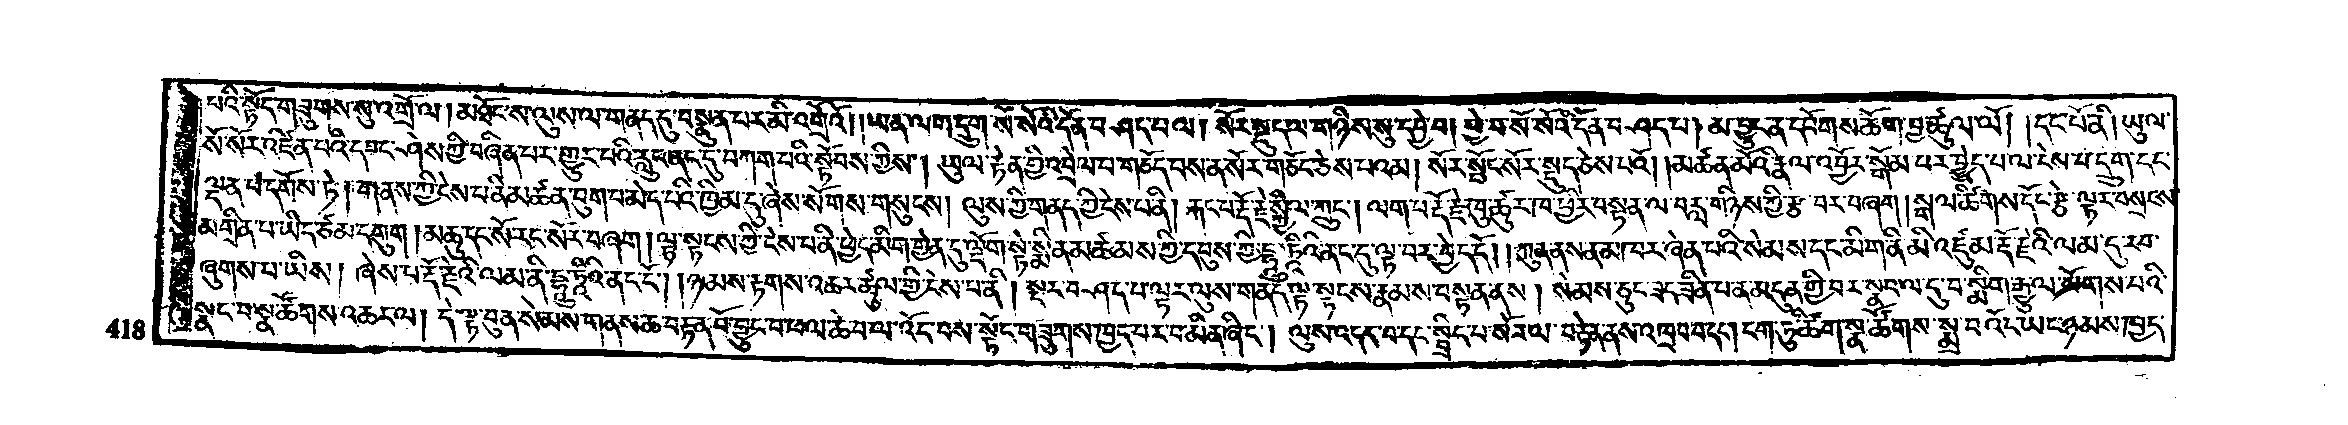པའི་སྟོད་གཟུགས་སུ་འགྲོ་ལ། མཐོང་ས་ལུས་ལ་གནད་དུ་བསྣུན་པར་མི་འགྲོའོ། །ཡན་ལག་དྲུག་སོ་སོའི་དོན་བཤད་པ་ལ། སོར་སྡུད་ལ་གཉིས་སུ་དབྱེ་བ། ཕྱེ་བ་སོ་སོའི་དོན་བཤད་པ། མ་བྱུང་ན་དཔོགས་ཆོག་བྱ་ཚུལ་ལོ། །དང་པོ་ནི། ཡུལ་
སོ་སོར་འཛིན་པའི་དབང་ཤེས་ཀྱི་བཞིན་པར་གྱུར་པའི་རླུང་ནང་དུ་བཀག་པའི་སྟོབས་ཀྱིས། ཡུལ་རྟེན་གྱི་འབྲེལ་བ་གཅོད་པས་ན་སོར་གཅོད་ཅེས་པའམ། སོར་སྤོང་སོར་སྡུད་ཅེས་པའོ། །མཚན་མོའི་རྣལ་འབྱོར་སྒོམ་པར་བྱེད་པ་ལ་ངེས་པ་དྲུག་དང་
ལྡན་པ་དགོས་ཏེ། གནས་ཀྱི་ངེས་པ་ནི་མཚན་བུག་པ་མེད་པའི་ཁྱིམ་དུ་ཞེས་སོགས་གསུངས། ལུས་ཀྱི་གནད་ཀྱི་ངེས་པ་ནི། རྐང་པ་རྡོ་རྗེ་སྐྱིལ་ཀྲུང་། ལག་པ་རྡོ་རྗེ་ཁུ་ཚུར་ཁ་ཕྱིར་བསྟན་ལ་བརླ་གཉིས་ཀྱི་རྩ་བར་བཞག །སྒལ་ཚིགས་དོང་རྩེ་ལྟར་བསྲངས་
མགྲིན་པ་ཡིད་ཙམ་དགུག །མཆུ་དང་སོ་རང་སོར་བཞག །ལྟ་སྟངས་ཀྱི་ངེས་པ་ནི་ཕྱེད་མིག་གྱེན་དུ་ལྡོག་སྟེ་སྨིན་མཚམས་ཀྱི་དབུས་ཀྱི་དྷཱུ་ཏཱིའི་ནང་དུ་ལྟ་བར་བྱེད་དོ། །ཀུན་ནས་ནམ་མཁར་ཞེན་པའི་སེམས་དང་མིག་ནི་མི་འཛུམ་རྡོ་རྗེའི་ལམ་དུ་རབ་
ཞུགས་པ་ཡིས། ཞེས་པ་རྡོ་རྗེའི་ལམ་ནི་དྷཱུ་ཏཱིའི་ནང་ངོ། །ཉམས་རྟགས་འཆར་ཚུལ་གྱི་ངེས་པ་ནི། སྔར་བཤད་པ་ལྟར་ལུས་གནད་ལྟ་སྟངས་རྣམས་བསྟན་ནས། སེམས་ཅུང་ཟད་ཟིན་པ་ན་མདུན་གྱི་བར་སྣང་ལ་དུ་བ་སྨིག་རྒྱུ་ལ་སོགས་པའི་
སྣང་བ་སྣ་ཚོགས་འཆར་ལ། དེ་ལྟ་བུ་ན་སེམས་གནས་ཆ་བརྟན་པོ་བྱུང་བ་ཕལ་ཆེ་བ་ལ་འོང་བས་སྟོང་གཟུགས་ཁྱད་པར་བ་མིན་ཞིང་། ལུས་འདར་བ་དང་སྦྲིང་པ་སོགས་ལ་བརྟེན་ནས་འཁྲབ་པ་དང་། ངག་ཏུ་ཚིག་སྣ་ཚོགས་སྨྲ་བ་འོང་ཡང་ཉམས་ཁྱད་